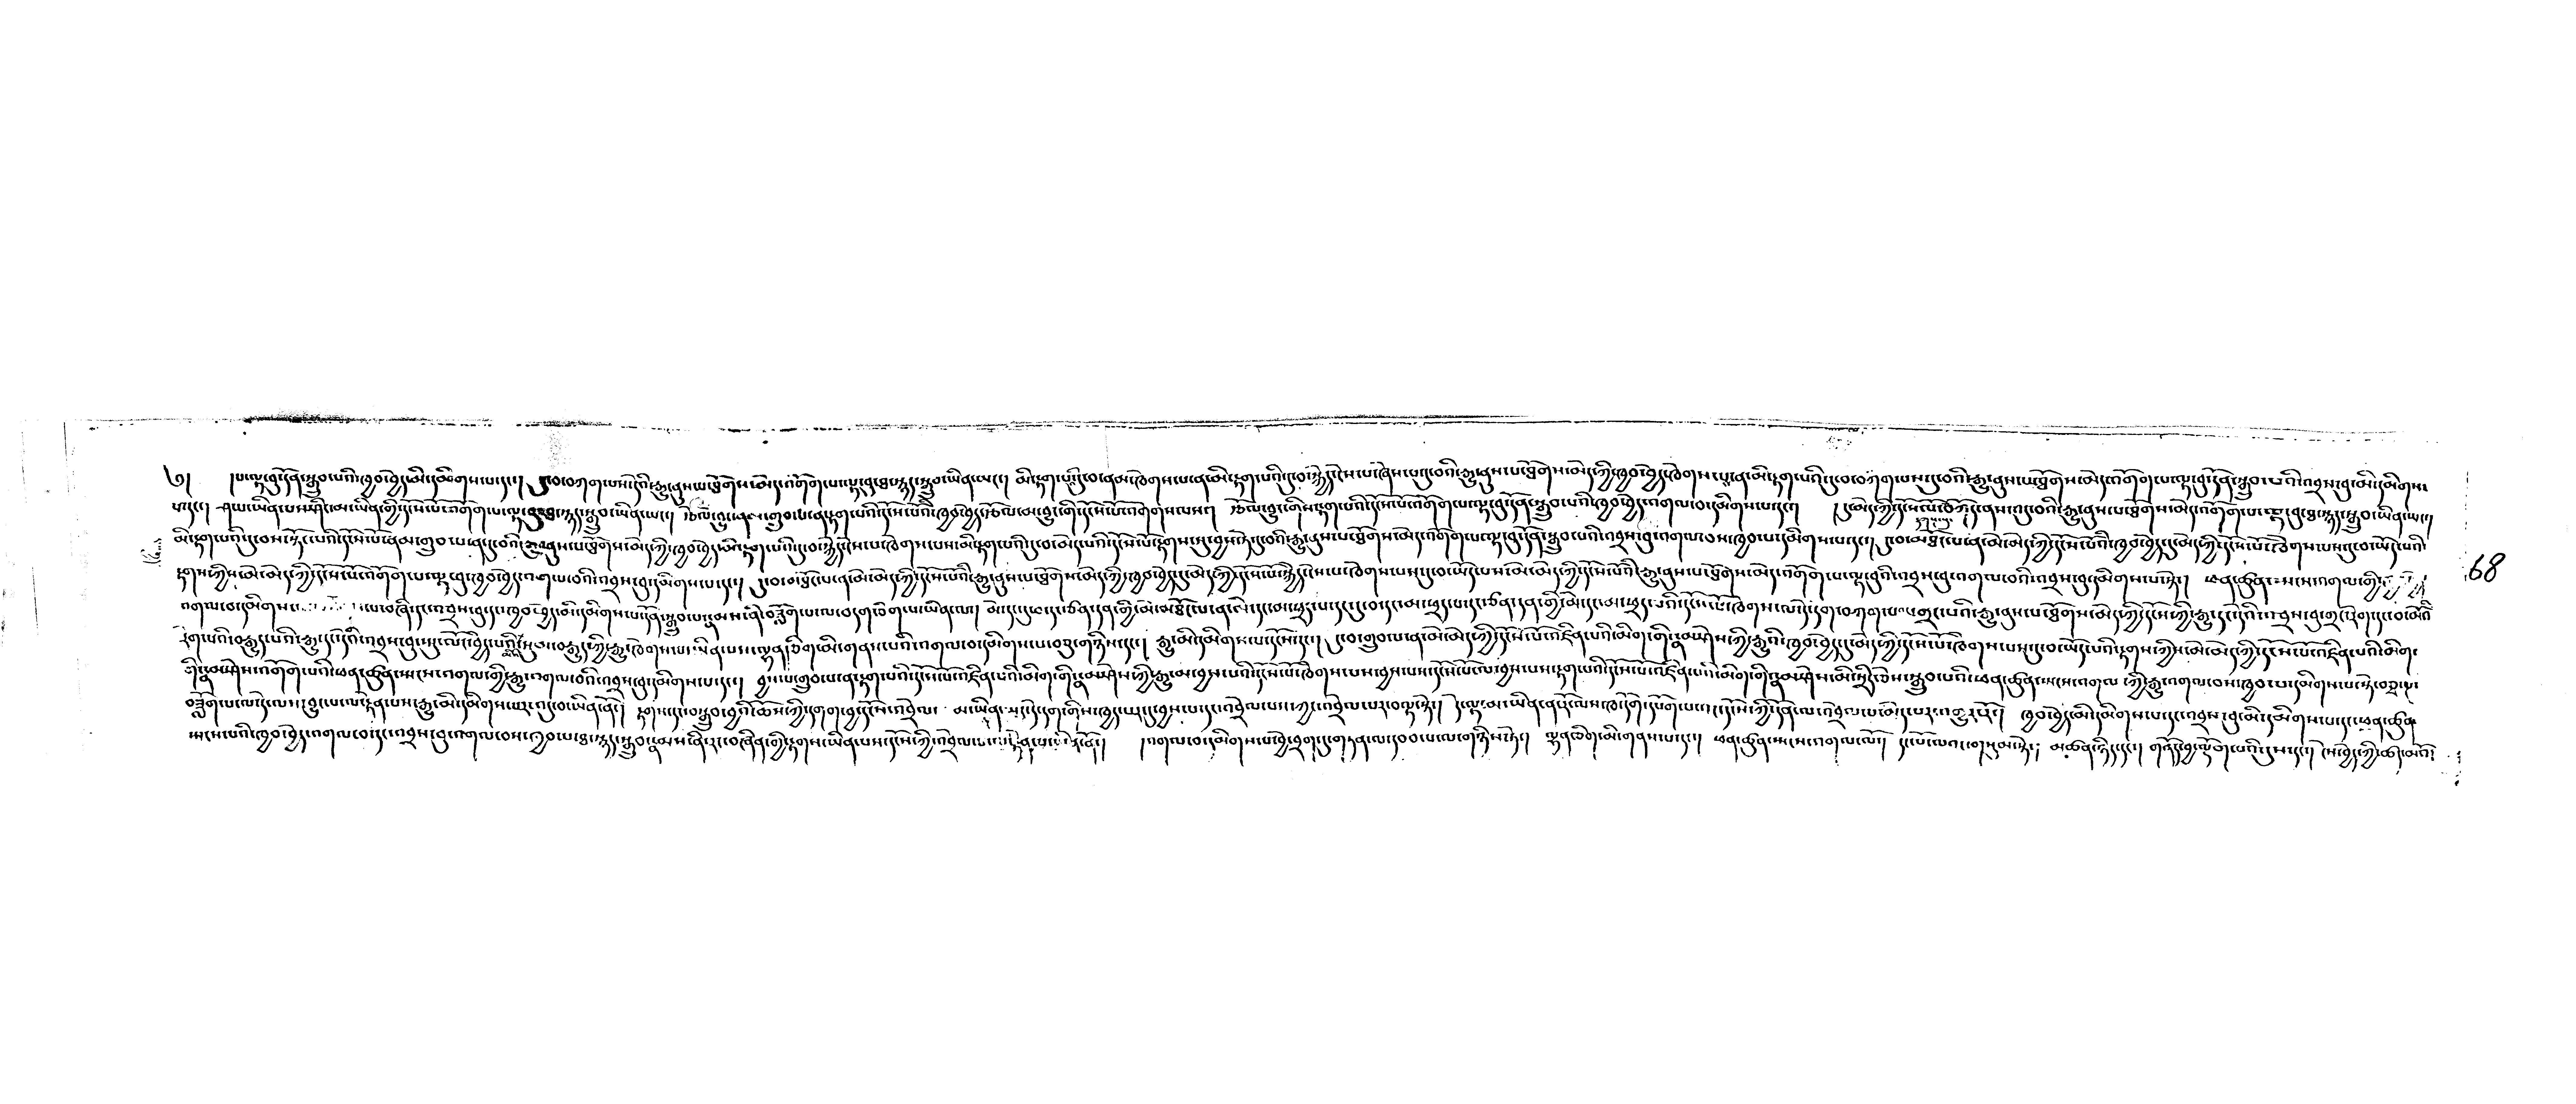༈། །པ་ལྟ་བུ་དོན་སྒྲུབ་པའི་ཁྱབ་བྱེད་མི་དམིགས་པ་དང་། དུ་བ་བཀག་པས་དེའི་རྒྱུ་ནུས་པ་ཐོགས་མེད་འགོག་པ་ལྟ་བུ་ཐ་སྙད་སྒྲུབ་ཡིན་ཡང་། མི་རྟག་པའི་དུ་བ་ནམ་ཁེགས་པ་ན་མི་རྟག་པའི་དུ་བ་སྐྱེད་ངེས་པ་ཞེས་པ་དུ་བའི་རྒྱུ་ནུས་པ་ཐོགས་མེད་ཀྱི་ཁྱབ་བྱེད་ཁེགས་པས་ན་མི་རྟག་པའི་དུ་བ་བཀག་པས་དུ་བའི་རྒྱུ་ནུས་པ་ཐོགས་མེད་འགོག་པ་ལྟ་བུ་དོན་སྒྲུབ་པའི་འབྲས་བུ་མི་དམིགས་
པ་དང་། ཤ་པ་ཡིན་པས་ཤིང་མ་ཡིན་གྱི་དངོས་པོ་འགོག་པ་ལྟ་བུ་ཐ་སྙད་སྒྲུབ་ཡིན་ཡང་། རྩོལ་བྱུང་ནས་གྲུབ་པ་ན་རྟག་པའི་དངོས་པོའི་ཁྱབ་བྱེད་རྩོལ་མ་བྱུང་གི་དངོས་པོ་འགོགས་པས། རྩོལ་བྱུང་གིས་རྟག་པའི་དངོས་པོ་འགོག་པ་ལྟ་བུ་དོན་སྒྲུབ་པའི་ཁྱབ་བྱེད་འགལ་བ་དམིགས་པ་དང་། །དུ་མེད་ཀྱི་དངོས་པོ་?་བཀོད་ནས་འདུ་བའི་རྒྱུ་ནུས་པ་ཐོགས་མེད་འགོག་པ་ལྟ་བུ་ཐ་སྙད་སྒྲུབ་ཡིན་ཡང་།
མི་རྟག་པའི་དུ་བས་སྟོང་པའི་དངོས་པོ་ནམ་གྲུབ་པ་ན་དུ་བའི་རྒྱུ་ནུས་པ་ཐོགས་མེད་ཀྱི་ཁྱབ་བྱེད་མི་རྟག་པའི་དུ་བ་སྐྱེད་ངེས་པ་ཁེགས་པས་མི་རྟག་པའི་དུ་བ་མེད་པའི་དངོས་པོ་རྟགས་སུ་བྱས་ཏེ་དུ་བའི་རྒྱུ་ནུས་པ་ཐོགས་མེད་འགོག་པ་ལྟ་བུ་དོན་སྒྲུབ་པའི་འབྲས་བུ་འགལ་བས་ཁྱབ་པ་དམིགས་པ་དང་། དུ་བ་མཐོང་པ་ན་མེ་མེད་ཀྱི་དངོས་པོའི་ཁྱབ་བྱེད་དུ་མེད་ཀྱི་དངོས་པོ་ཁེགས་པས་དུ་བ་མེད་པའི་
རྟགས་ཀྱིས་མེ་མེད་ཀྱི་དངོས་པོ་འགོག་པ་ལྟ་བུ་ཁྱབ་བྱེད་འགལ་བའི་འབྲས་བུ་དམིགས་པ་དང་། དུ་བ་མཐོང་པ་ན་མེ་མེད་ཀྱི་དངོས་པོའི་རྒྱུ་ནུས་པ་ཐོགས་མེད་ཀྱི་ཁྱབ་བྱེད་དུ་མེད་ཀྱི་དངོས་པོ་སྐྱེད་ངེས་པ་ཁེགས་པས་དུ་བ་ཡོད་པས་མེ་མེད་ཀྱི་དངོས་པོའི་རྒྱུ་ནུས་པ་ཐོགས་མེད་འགོག་པ་ལྟ་བུའི་འབྲས་བུ་འགལ་བའི་འབྲས་བུ་དམིགས་པ་སྟེ། ཕན་ཚུན་སྤངས་འགལ་གྱི་??
འགལ་བ་དམིགས་?་པ་བཞི་དང་འབྲས་བུ་དང་ཁྱབ་བྱེད་མི་དམིགས་པ་དོན་སྒྲུབ་པ་རྣམས་ནི་བཟློག་པ་ལ་བདག་ཅིག་པ་ཡིན་ལ། མེ་དང་དུ་བ་དང་ཙན་དན་གྱི་མེ་མཐོང་པ་ན་མེ་དང་མ་ཕྲད་པ་དང་དུ་བ་དང་མ་ཕྲད་པ་དང་ཙན་དན་གྱི་མེ་དང་མ་ཕྲད་པའི་དངོས་པོ་ཁེགས་ལ་དེ་དག་བཀག་པའང་གྲང་པའི་རྒྱུ་ནུས་པ་ཐོགས་མེད་ཀྱི་དངོས་ཀྱི་རྒྱུ་དང་དེའི་འབྲས་བུ་གྲང་རེག་དང་བ་མོའི་
རེག་པའི་བརྒྱུད་པའི་རྒྱུ་དང་དེའི་འབྲས་བུ་སྤུ་ལོང་བྱེད་པའི་?་སུམ་བརྒྱུད་ཀྱི་རྒྱུ་ཁེགས་པ་ཡིན་པས་ལྷན་ཅིག་མི་གནས་པའི་འགལ་བ་དམིགས་པ་བཅུ་གཉིས་དང་། རྒྱུ་མི་དམིགས་པ་དངོས་དང་། དུ་བ་གྲུབ་པ་ན་མེ་མེད་ཀྱི་དངོས་པོ་འཛིན་པའི་མིག་གི་རྣམ་ཤེས་ཀྱི་རྒྱུའི་ཁྱབ་བྱེད་དུ་མེད་ཀྱི་དངོས་པོ་ཁེགས་པས་དུ་བ་ཡོད་པའི་རྟགས་ཀྱིས་མེ་མེད་ཀྱི་དངོས་པོ་འཛིན་པའི་མིག་
གི་རྣམ་ཤེས་འགོག་པའི་ཕན་ཚུན་སྤངས་འགལ་གྱི་རྒྱུ་འགལ་བའི་འབྲས་བུ་དམིགས་པ་དང་། བྱས་པ་གྲུབ་པ་ན་རྟག་པའི་དངོས་པོ་འཛིན་པའི་མིག་གི་རྣམ་ཤེས་ཀྱི་རྒྱུ་མ་བྱས་པའི་དངོས་པོ་ཁེགས་པས་བྱས་པས་དངོས་པོ་ལ་བྱས་པས་རྟག་པའི་དངོས་པོ་འཛིན་པའི་མིག་གི་རྣམ་ཤེས་མི་སྲིད་ཅེས་སྒྲུབ་པའི་ཕན་ཚུན་སྤངས་འགལ་གྱི་རྒྱུ་འགལ་བས་ཁྱབ་པ་དམིགས་པ་སྟེ་བཅྭ་ལྔ་
བཟློག་པ་ལ་དེ་ལས་བྱུང་པ་ལ་རྟེན་པས་རྒྱུ་མི་དམིགས་པར་འདུ་བ་ཡིན་ནོ། རྟགས་དང་བསྒྲུབ་བྱའི་ཆོས་ཀྱི་དགག་བྱ་དངོས་འབྲེལ་མ་ཡིན་ཡང་དེ་དག་གིས་ཁྱད་པར་དུ་བྱས་པ་དང་འབྲེལ་པས་ཀྱང་འབྲེལ་པར་བལྟ་སྟེ། དེ་ལྟ་མ་ཡིན་ན་རོ་ལས་ཁ་དོག་དཔོག་པ་འང་དངོས་ཀྱི་དོན་ལ་འབྲེལ་པ་མེད་པར་འགྱུར་རོ། ཁྱབ་བྱེད་མི་དམིགས་པ་དང་འབྲས་བུ་མི་དམིགས་པ་དང་ཕན་ཚུན་
སྤངས་པའི་ཁྱབ་བྱེད་འགལ་བ་དང་འབྲས་བུ་འགལ་བས་ཁྱབ་པ་ཐ་སྙད་སྒྲུབ་རྣམས་ནི་རང་བཞིན་གྱི་རྟགས་ཡིན་པས་དངོས་ཀྱི་འབྲེལ་པ་ལ་རྟེན་པ་ཡིན་ནོ། །འགལ་བ་དམིགས་པ་བྱེ་བྲག་དུ་གཏན་ལ་དབབ་པ་ལ་གཉིས་ཏེ། ལྷན་ཅིག་མི་གནས་པ་དང་། ཕན་ཚུན་སྤངས་འགལ་ལོ། དང་པོ་ལའང་གསུམ་སྟེ། མཚན་ཉིད་དང་། གནོད་བྱ་ལྡོག་པའི་དུས་དང་། ངེས་བྱེད་ཀྱི་ཚད་མའོ་